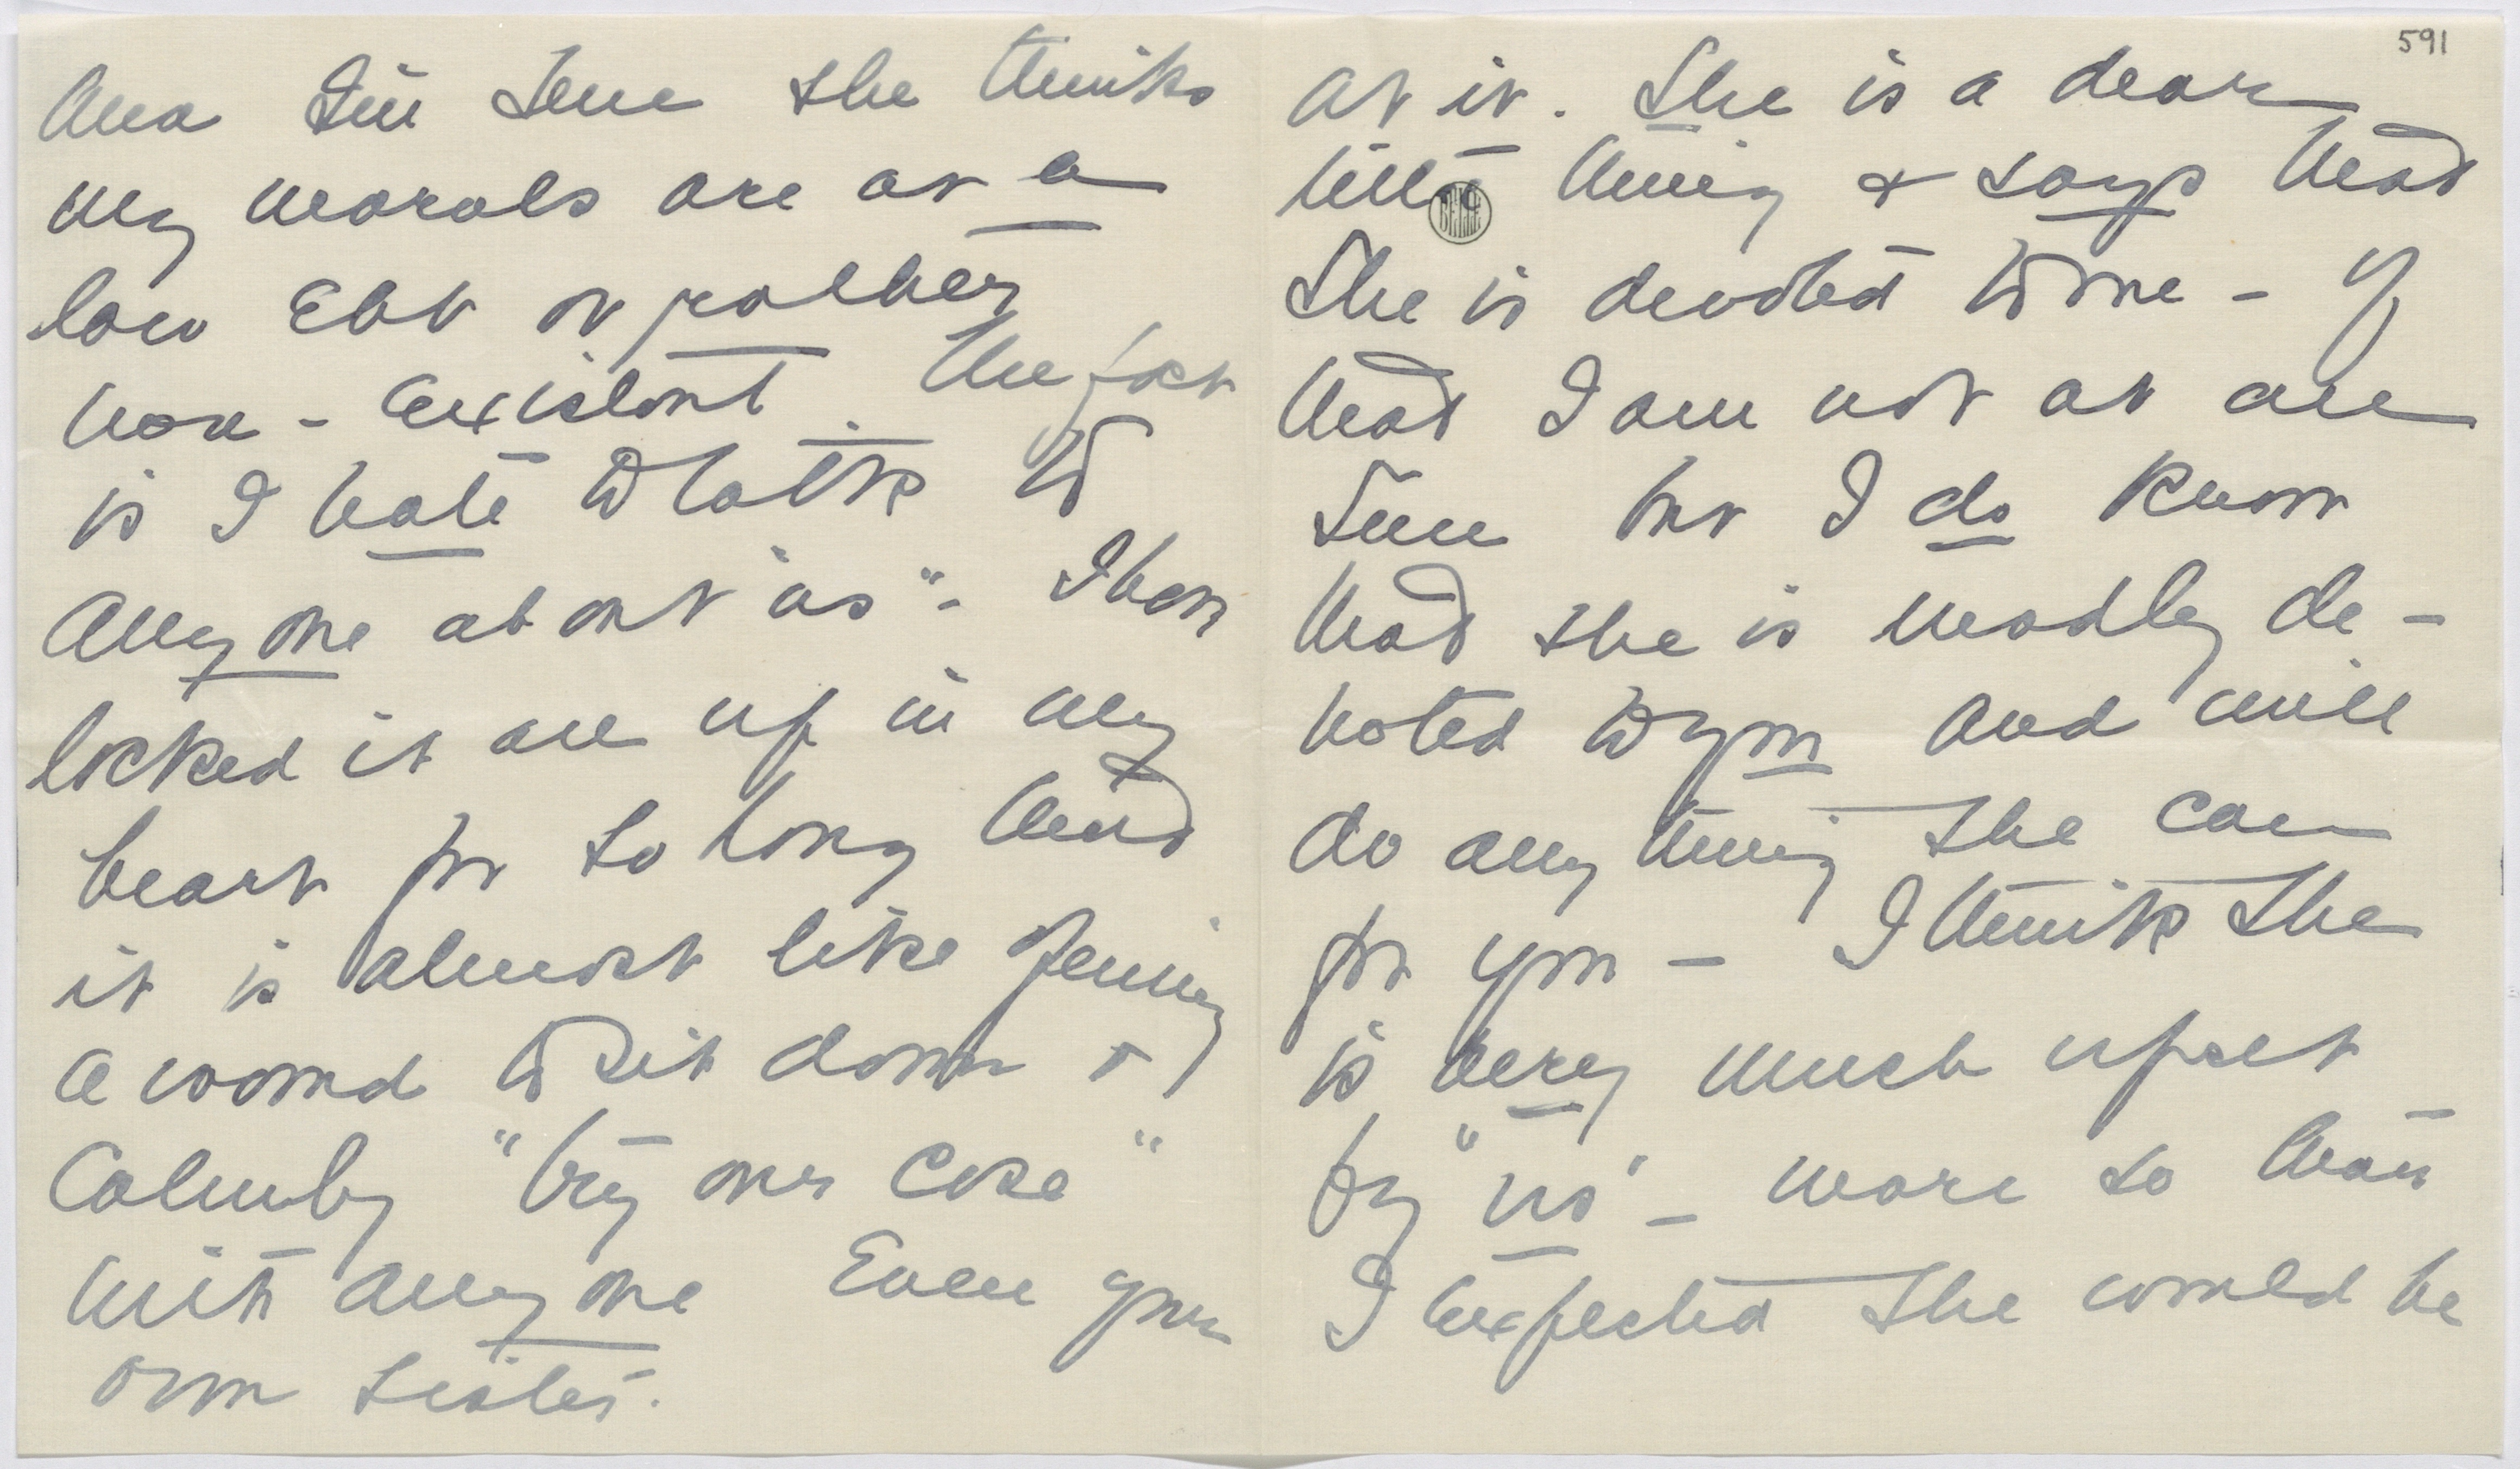at it. She is a dear little thing & says that She is devoted to me – of that I am not at all sure but I do know that she is madly devoted to you and will do any thing she can for you – I think she is very much upset by “us” – more so than I expected she would be
and I’m sure she thinks my morals are at a low ebb or rather non-existent. The fact is I hate to talk to anyone about “us” – I have locked it all up in my heart for so long that it is almost like opening a wound to sit down & calmly “try our case” with anyone Even your own sister.